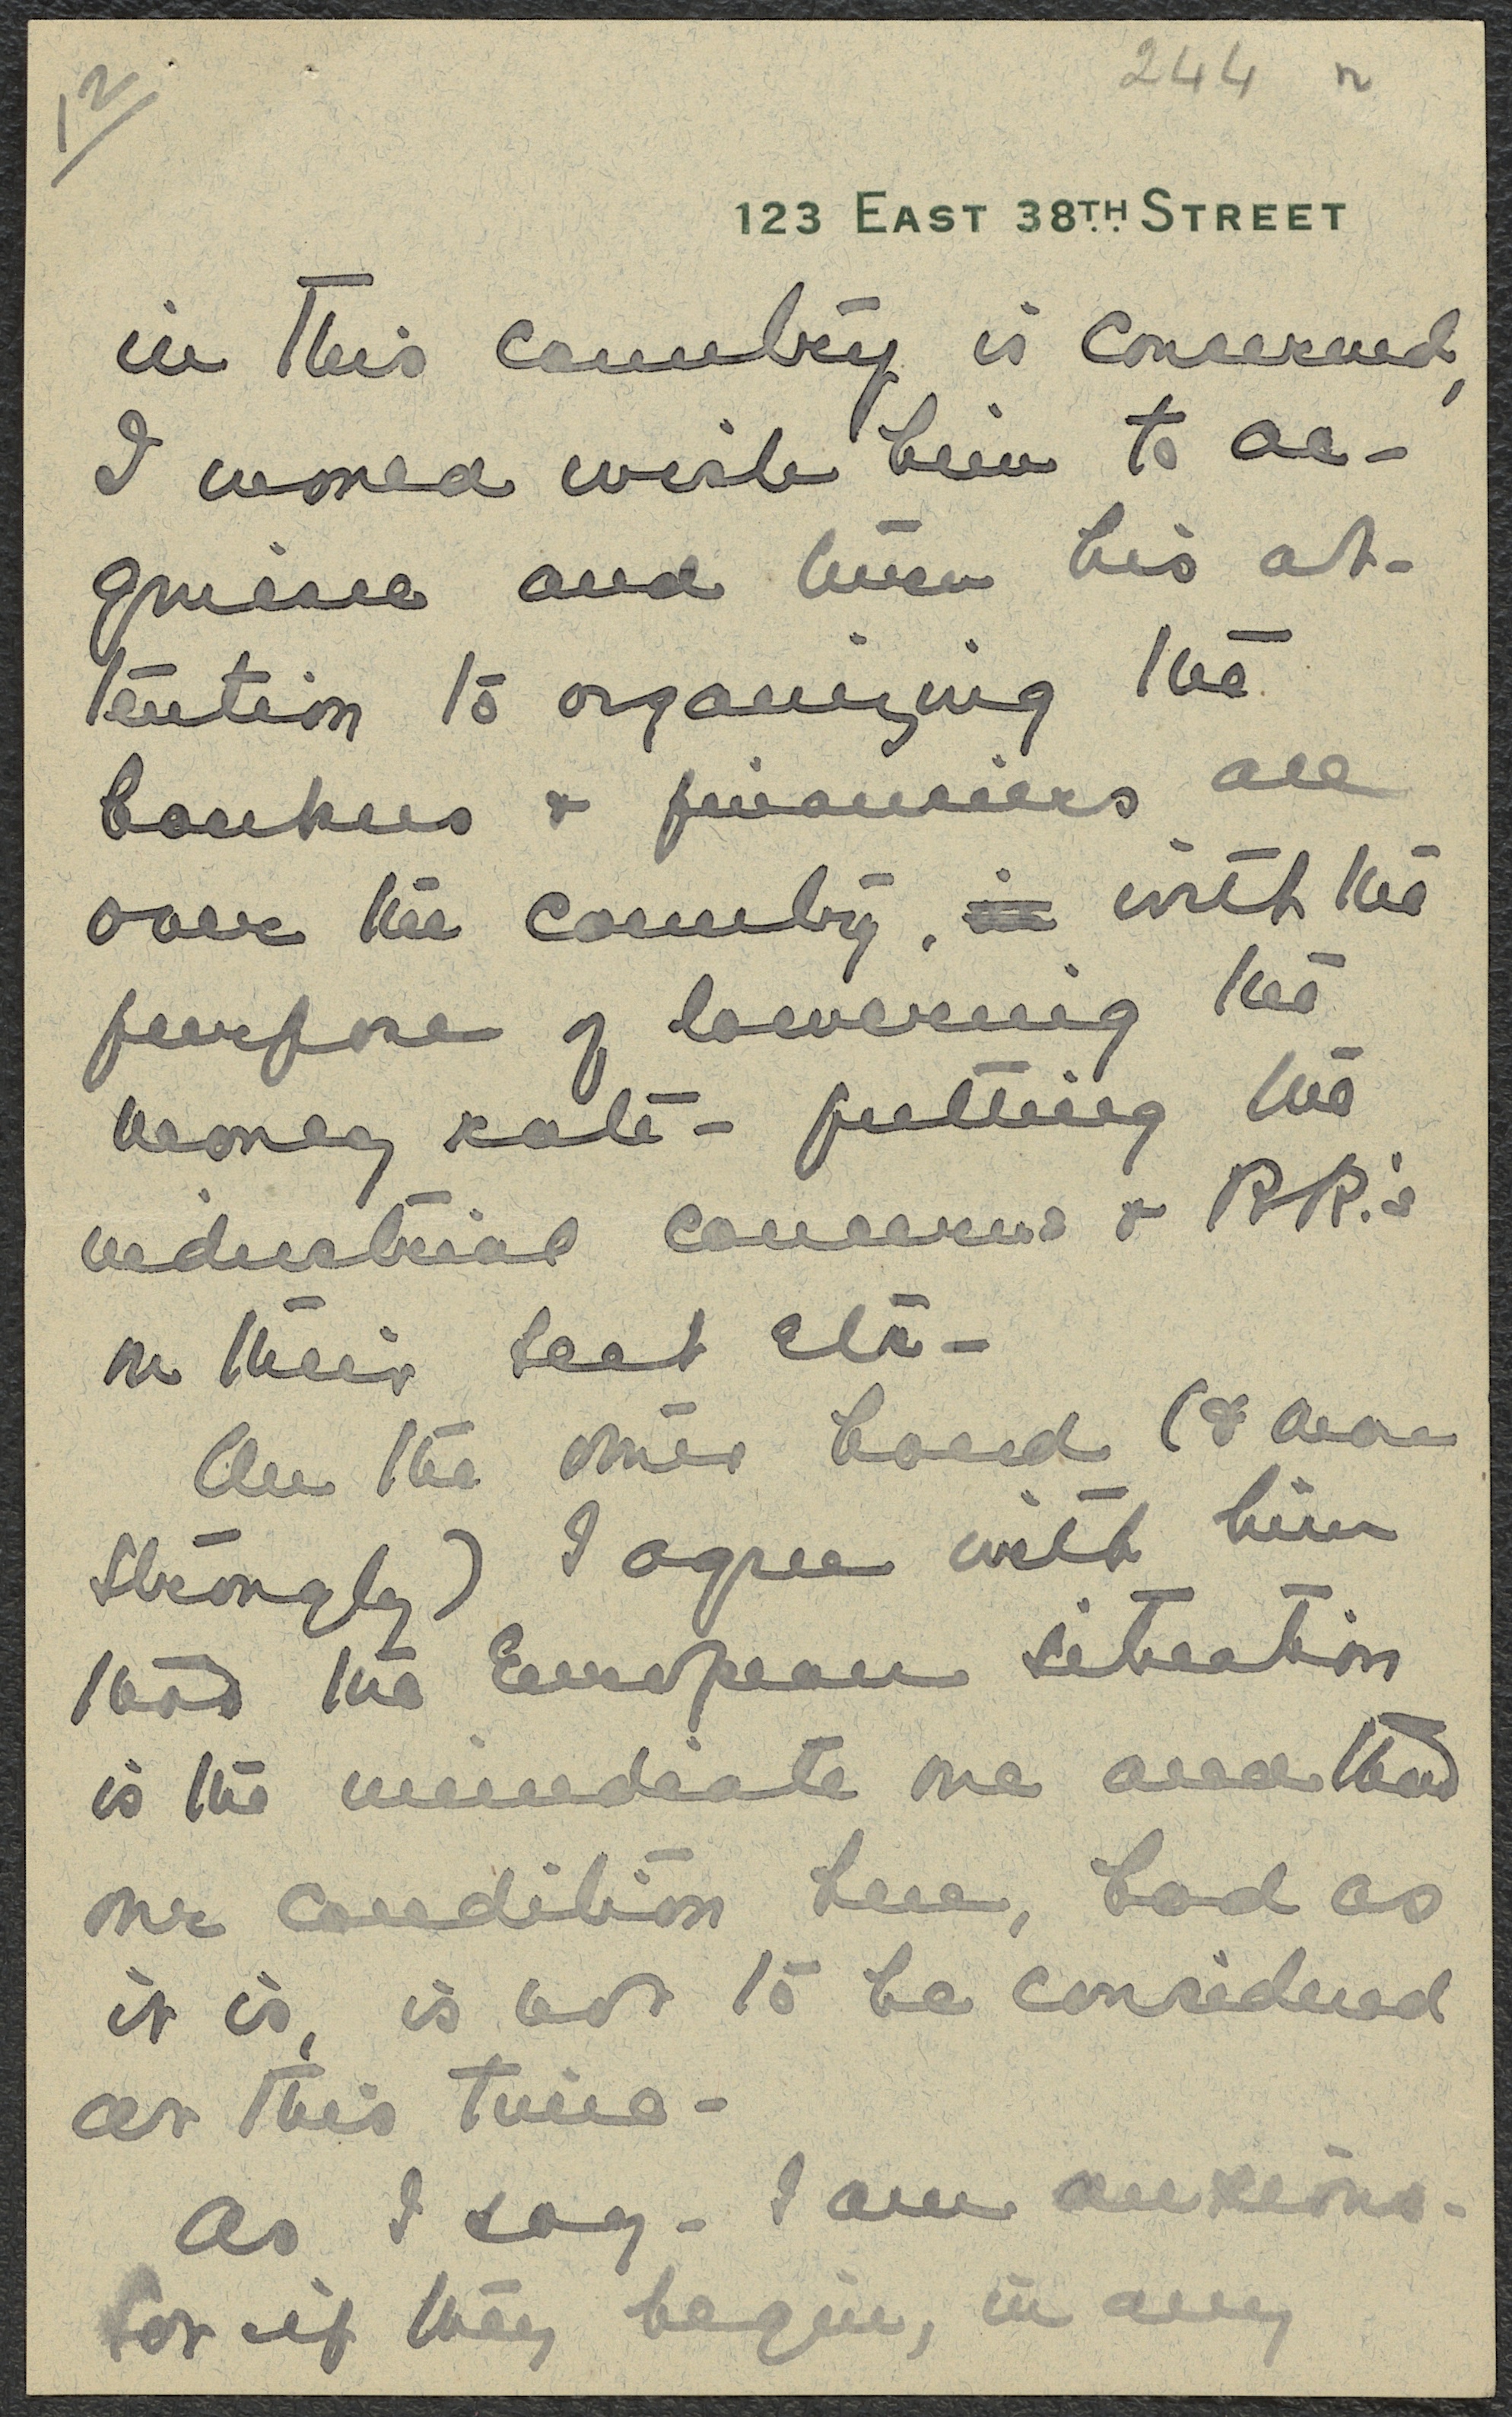12/
in this country is concerned, I would wish him to acquiesce and turn his attention to organizing the bankers & financiers are over the country, in with the purpose of lowering the money rate – putting the industrial concerns & R.R.’s on their feet etc –
On the other hand (& more strongly) I agree with him that the European situation is the immediate one and that our condition here, bad as it is, is not to be considered at this time –
As I say – I am anxious for if they begin, in any